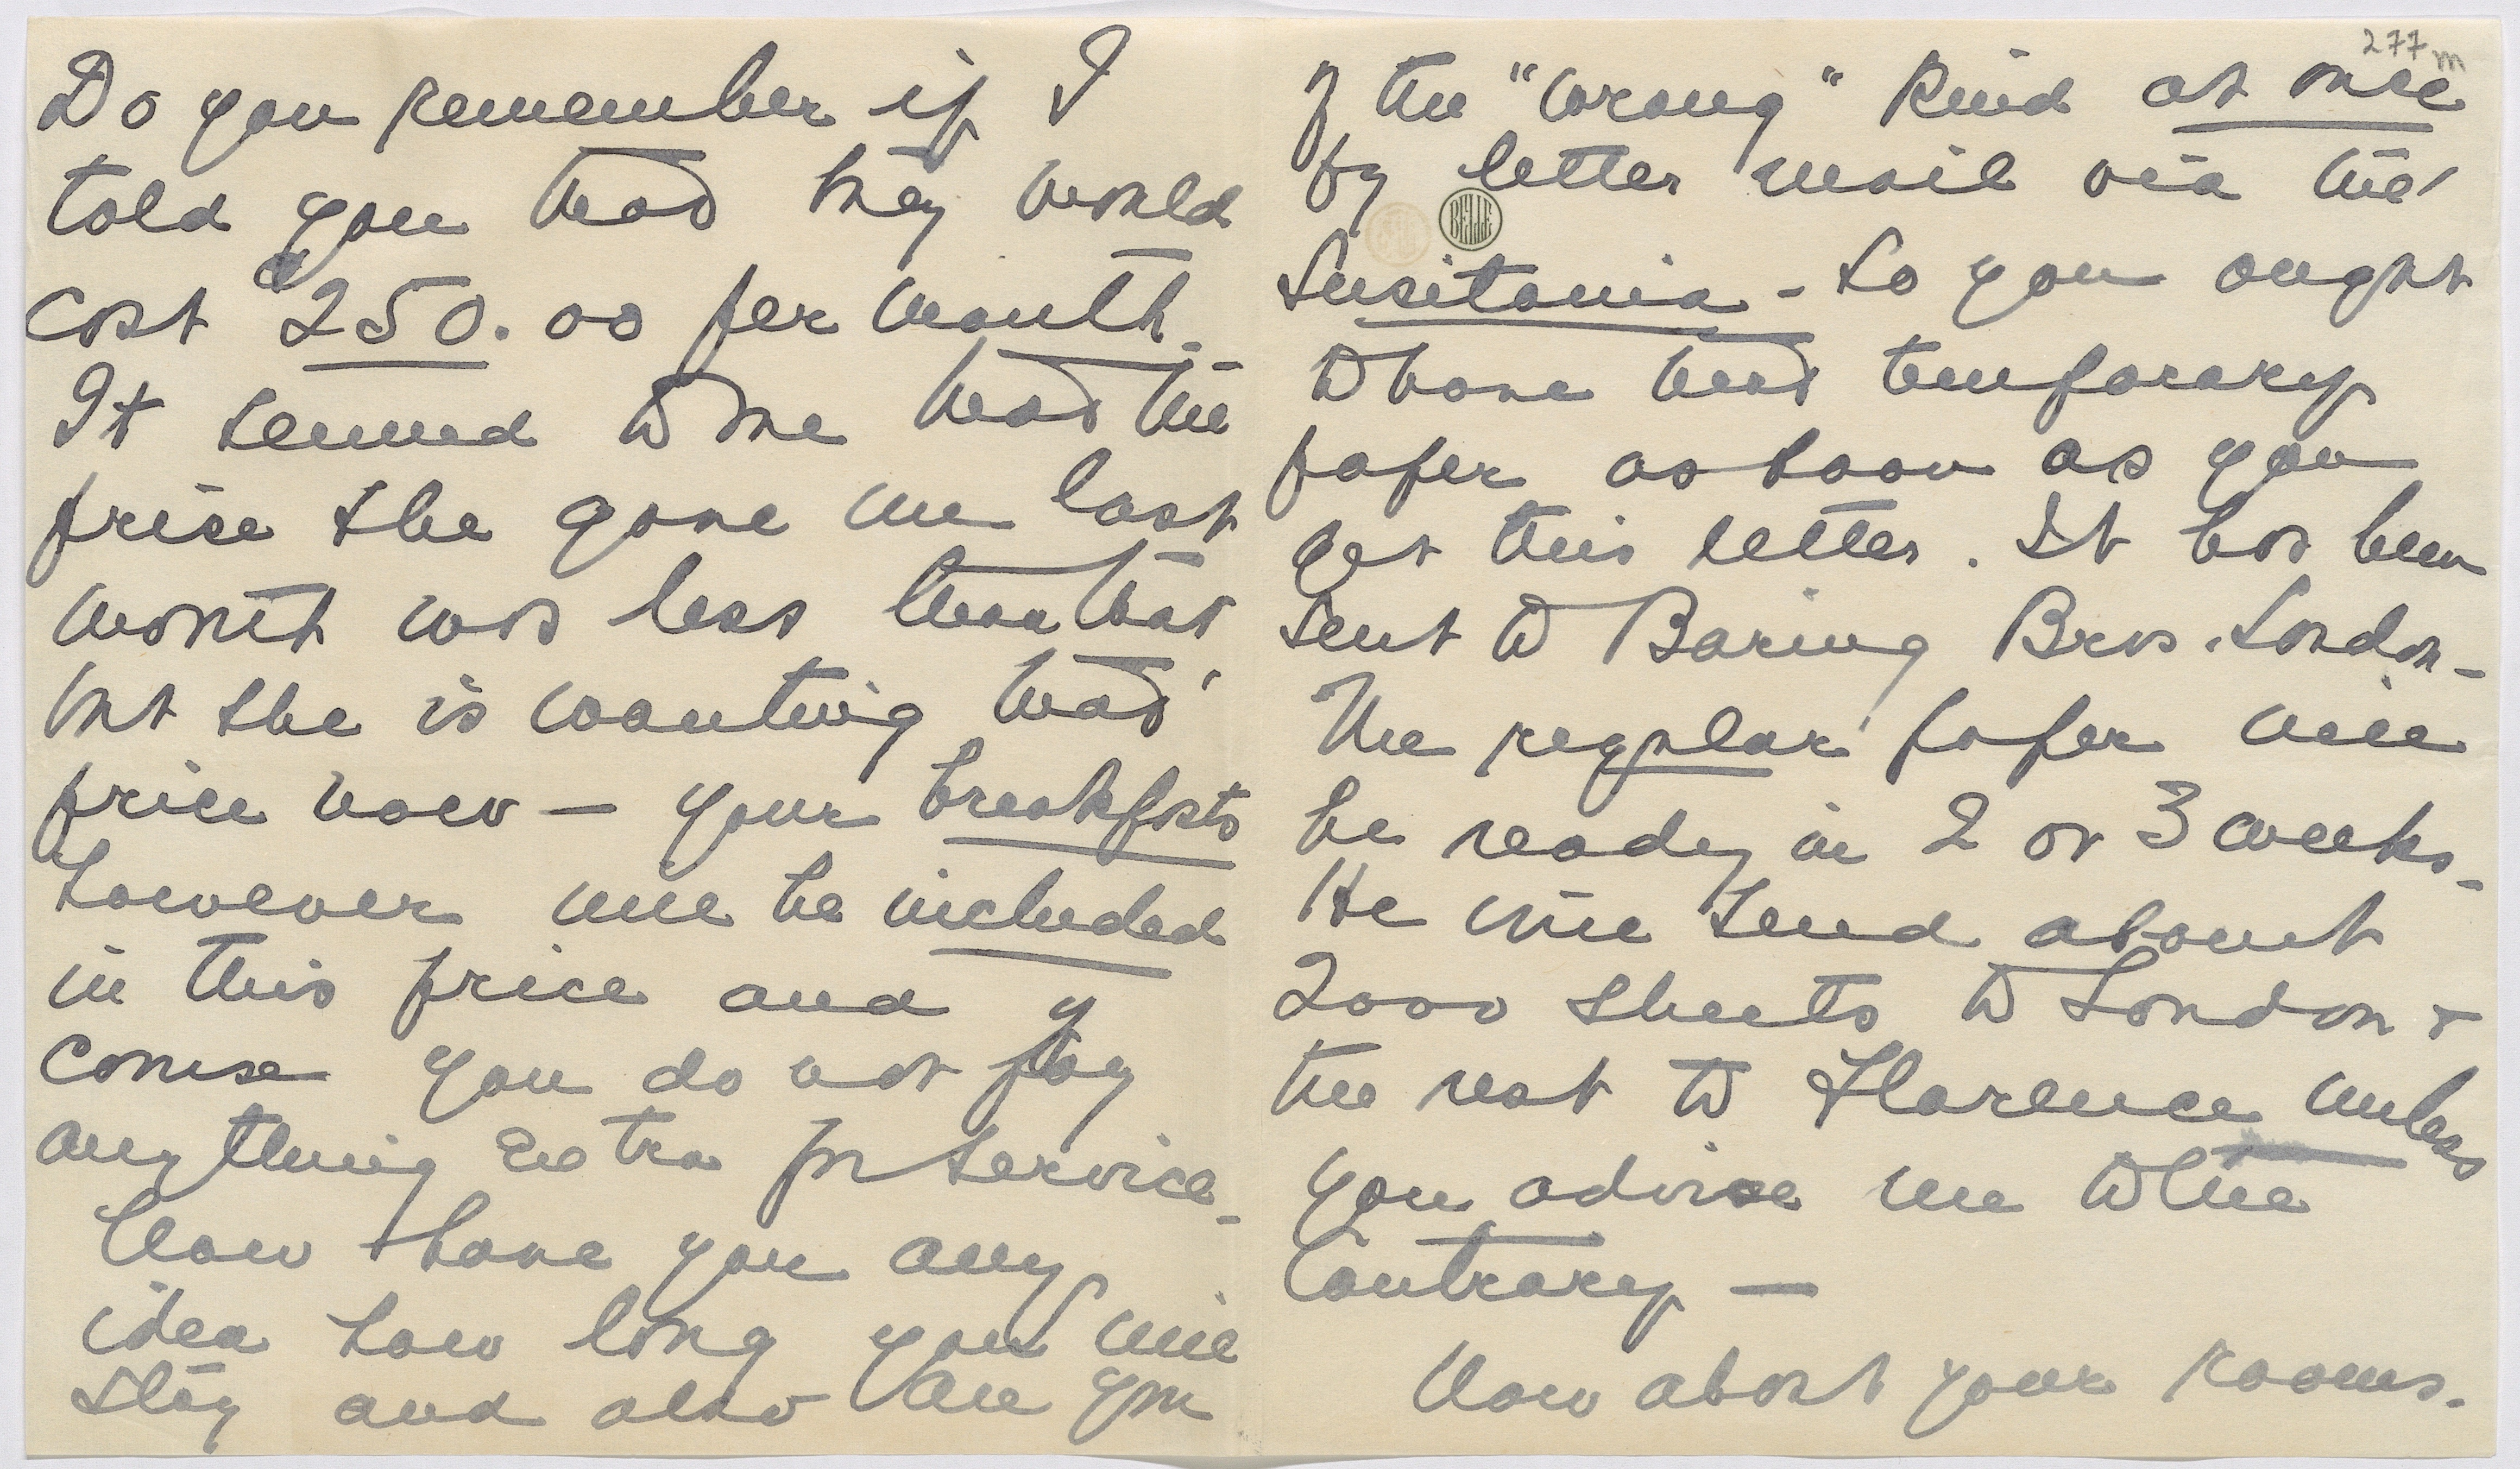of the “wrong” kind at once by letter mail via the Lusitania – So you ought to have that temporary paper as soon as you get this letter. It has been sent to Baring Bros. London –
The regular paper will be ready in 2 or 3 weeks – He will send about 2000 sheets to London & the rest to Florence unless you advise me to the contrary –
Now about your rooms.
Do you remember if I told you that they would cost $250.00 per month – It seemed to me that the price she gave me last month was less than that, but she is wanting that price now – your breakfasts however will be included in this price and of course you do not pay anything extra for service –
Now have you any idea how long you will stay and also are you